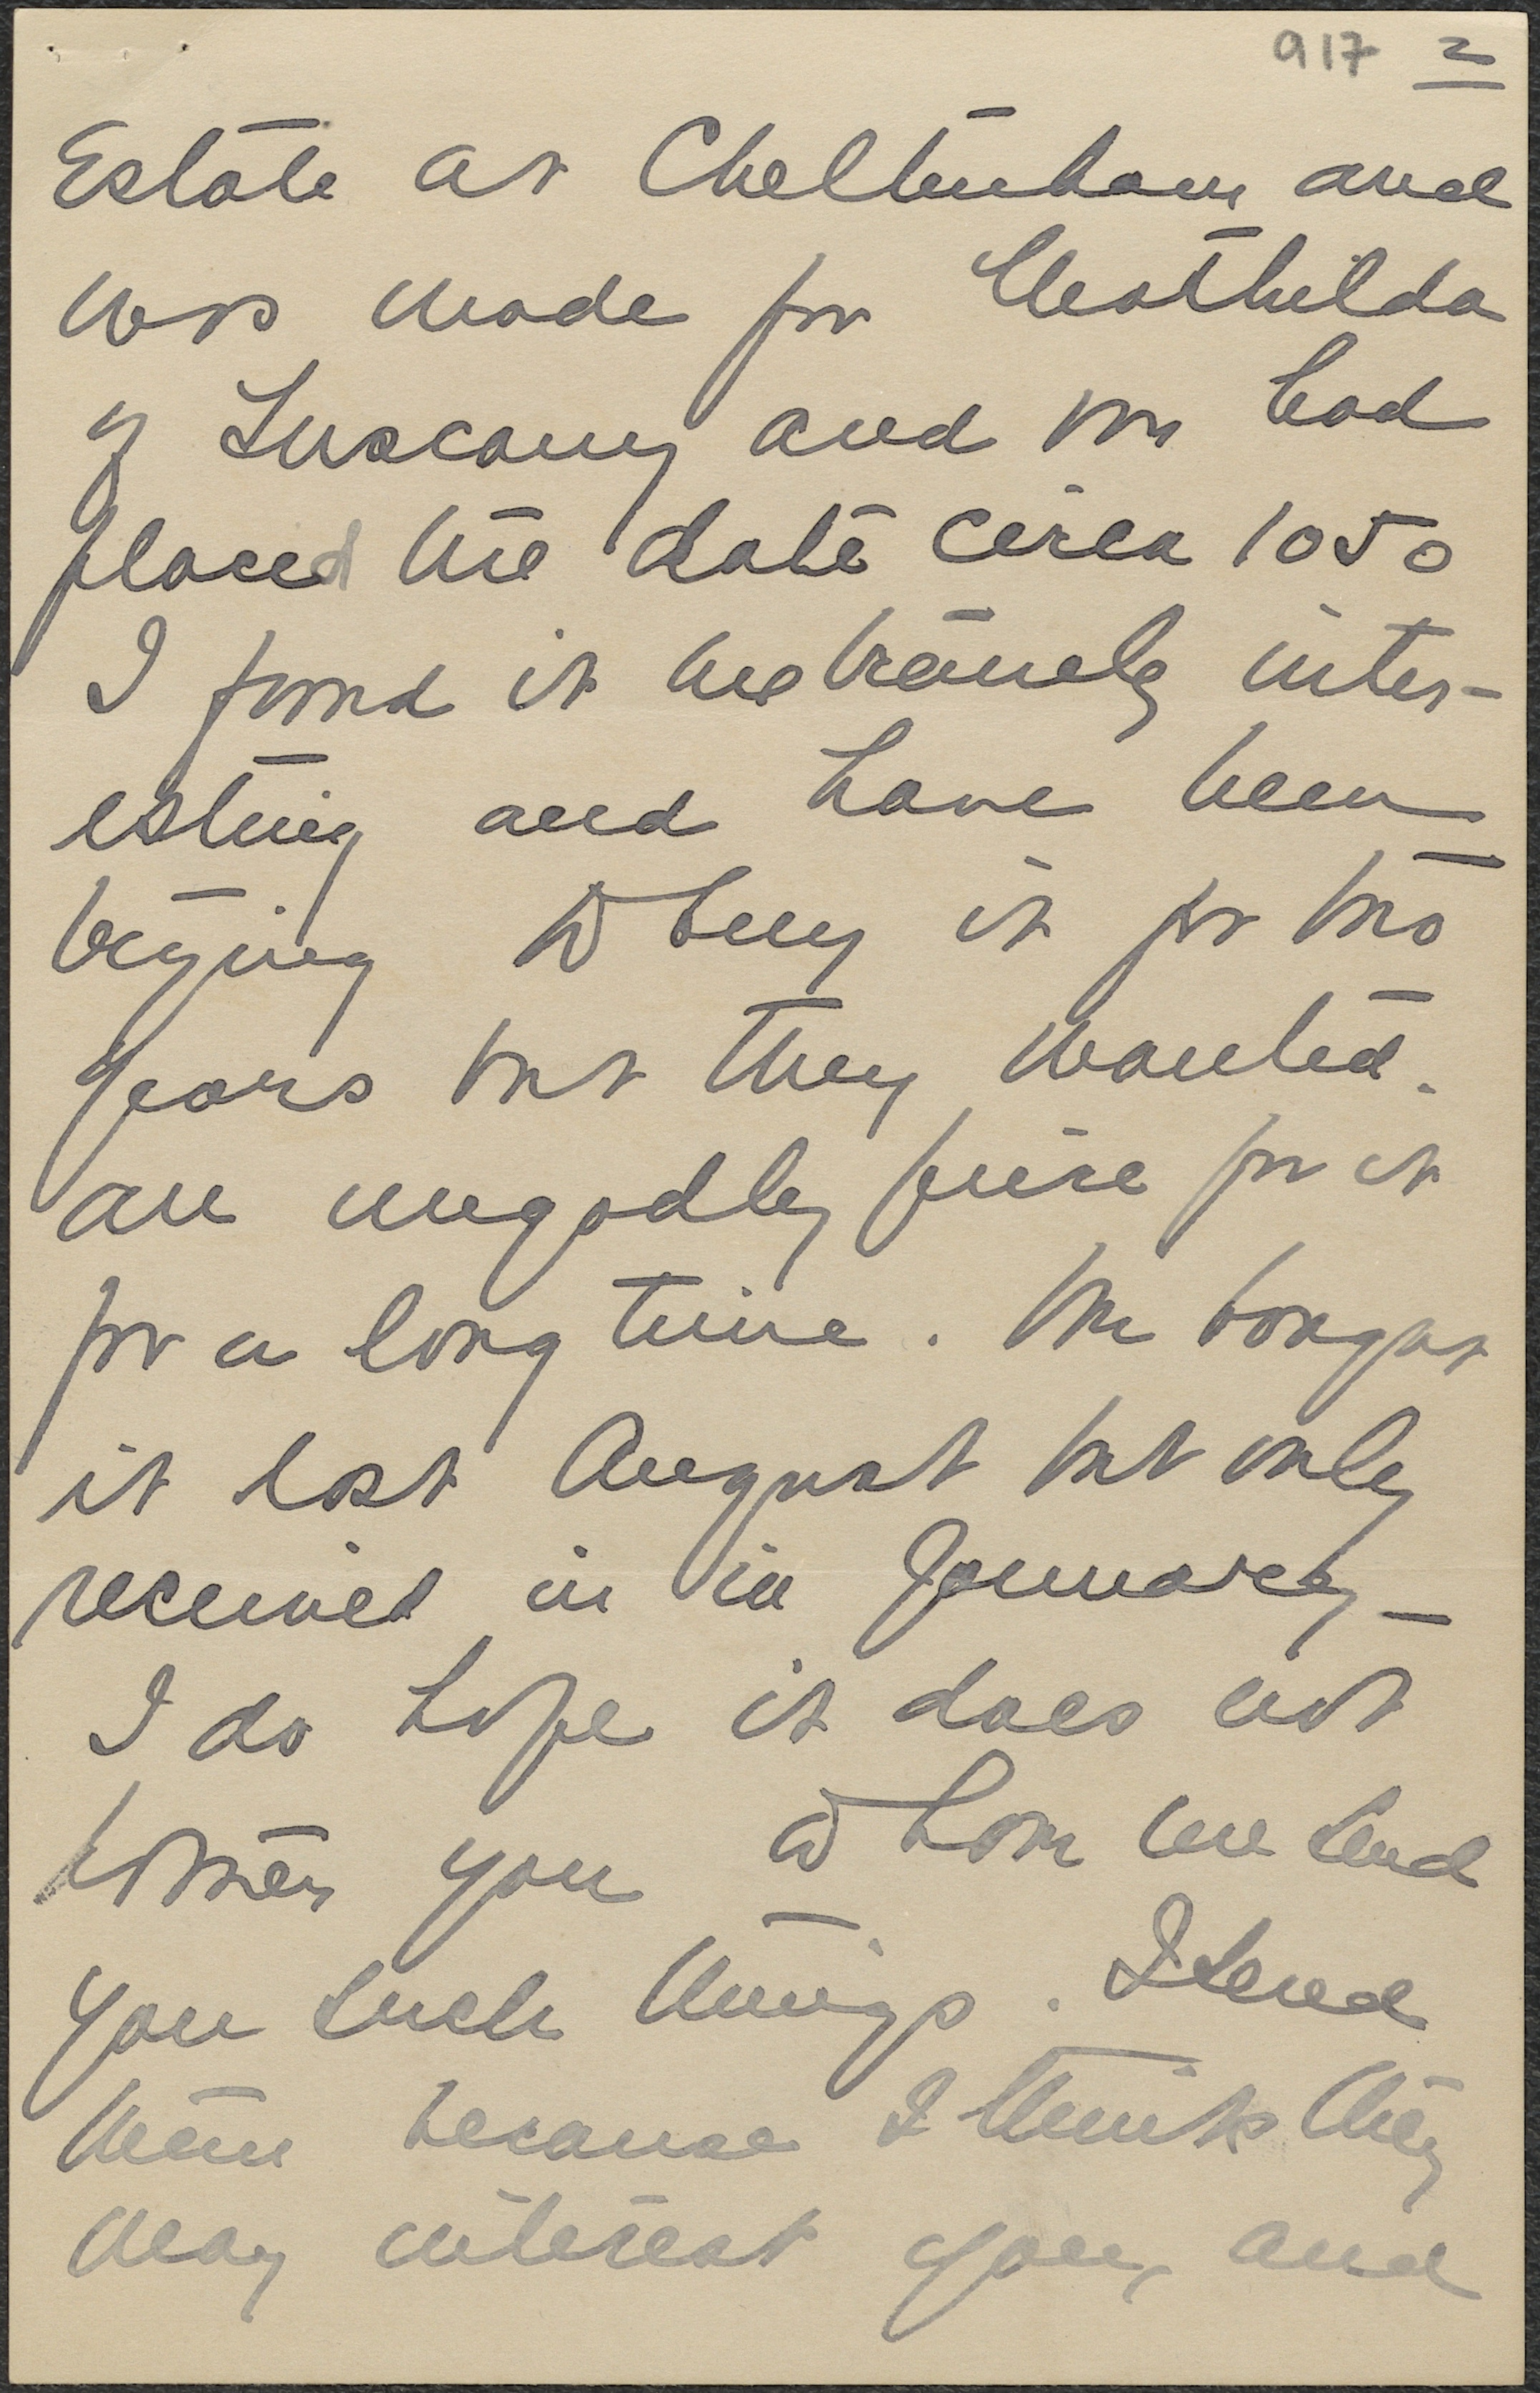2
estate at Cheltenham and was made for Mathilda of Tuscany and we had placed the date circa 1050 I found it extremely interesting and have been trying to buy it for two years but they wanted an ungodly price for it for a long time. We bought it last August but only received in in [sic] January –
I do hope it does not bother you to have me send you such things. I send them because I think they may interest you, and